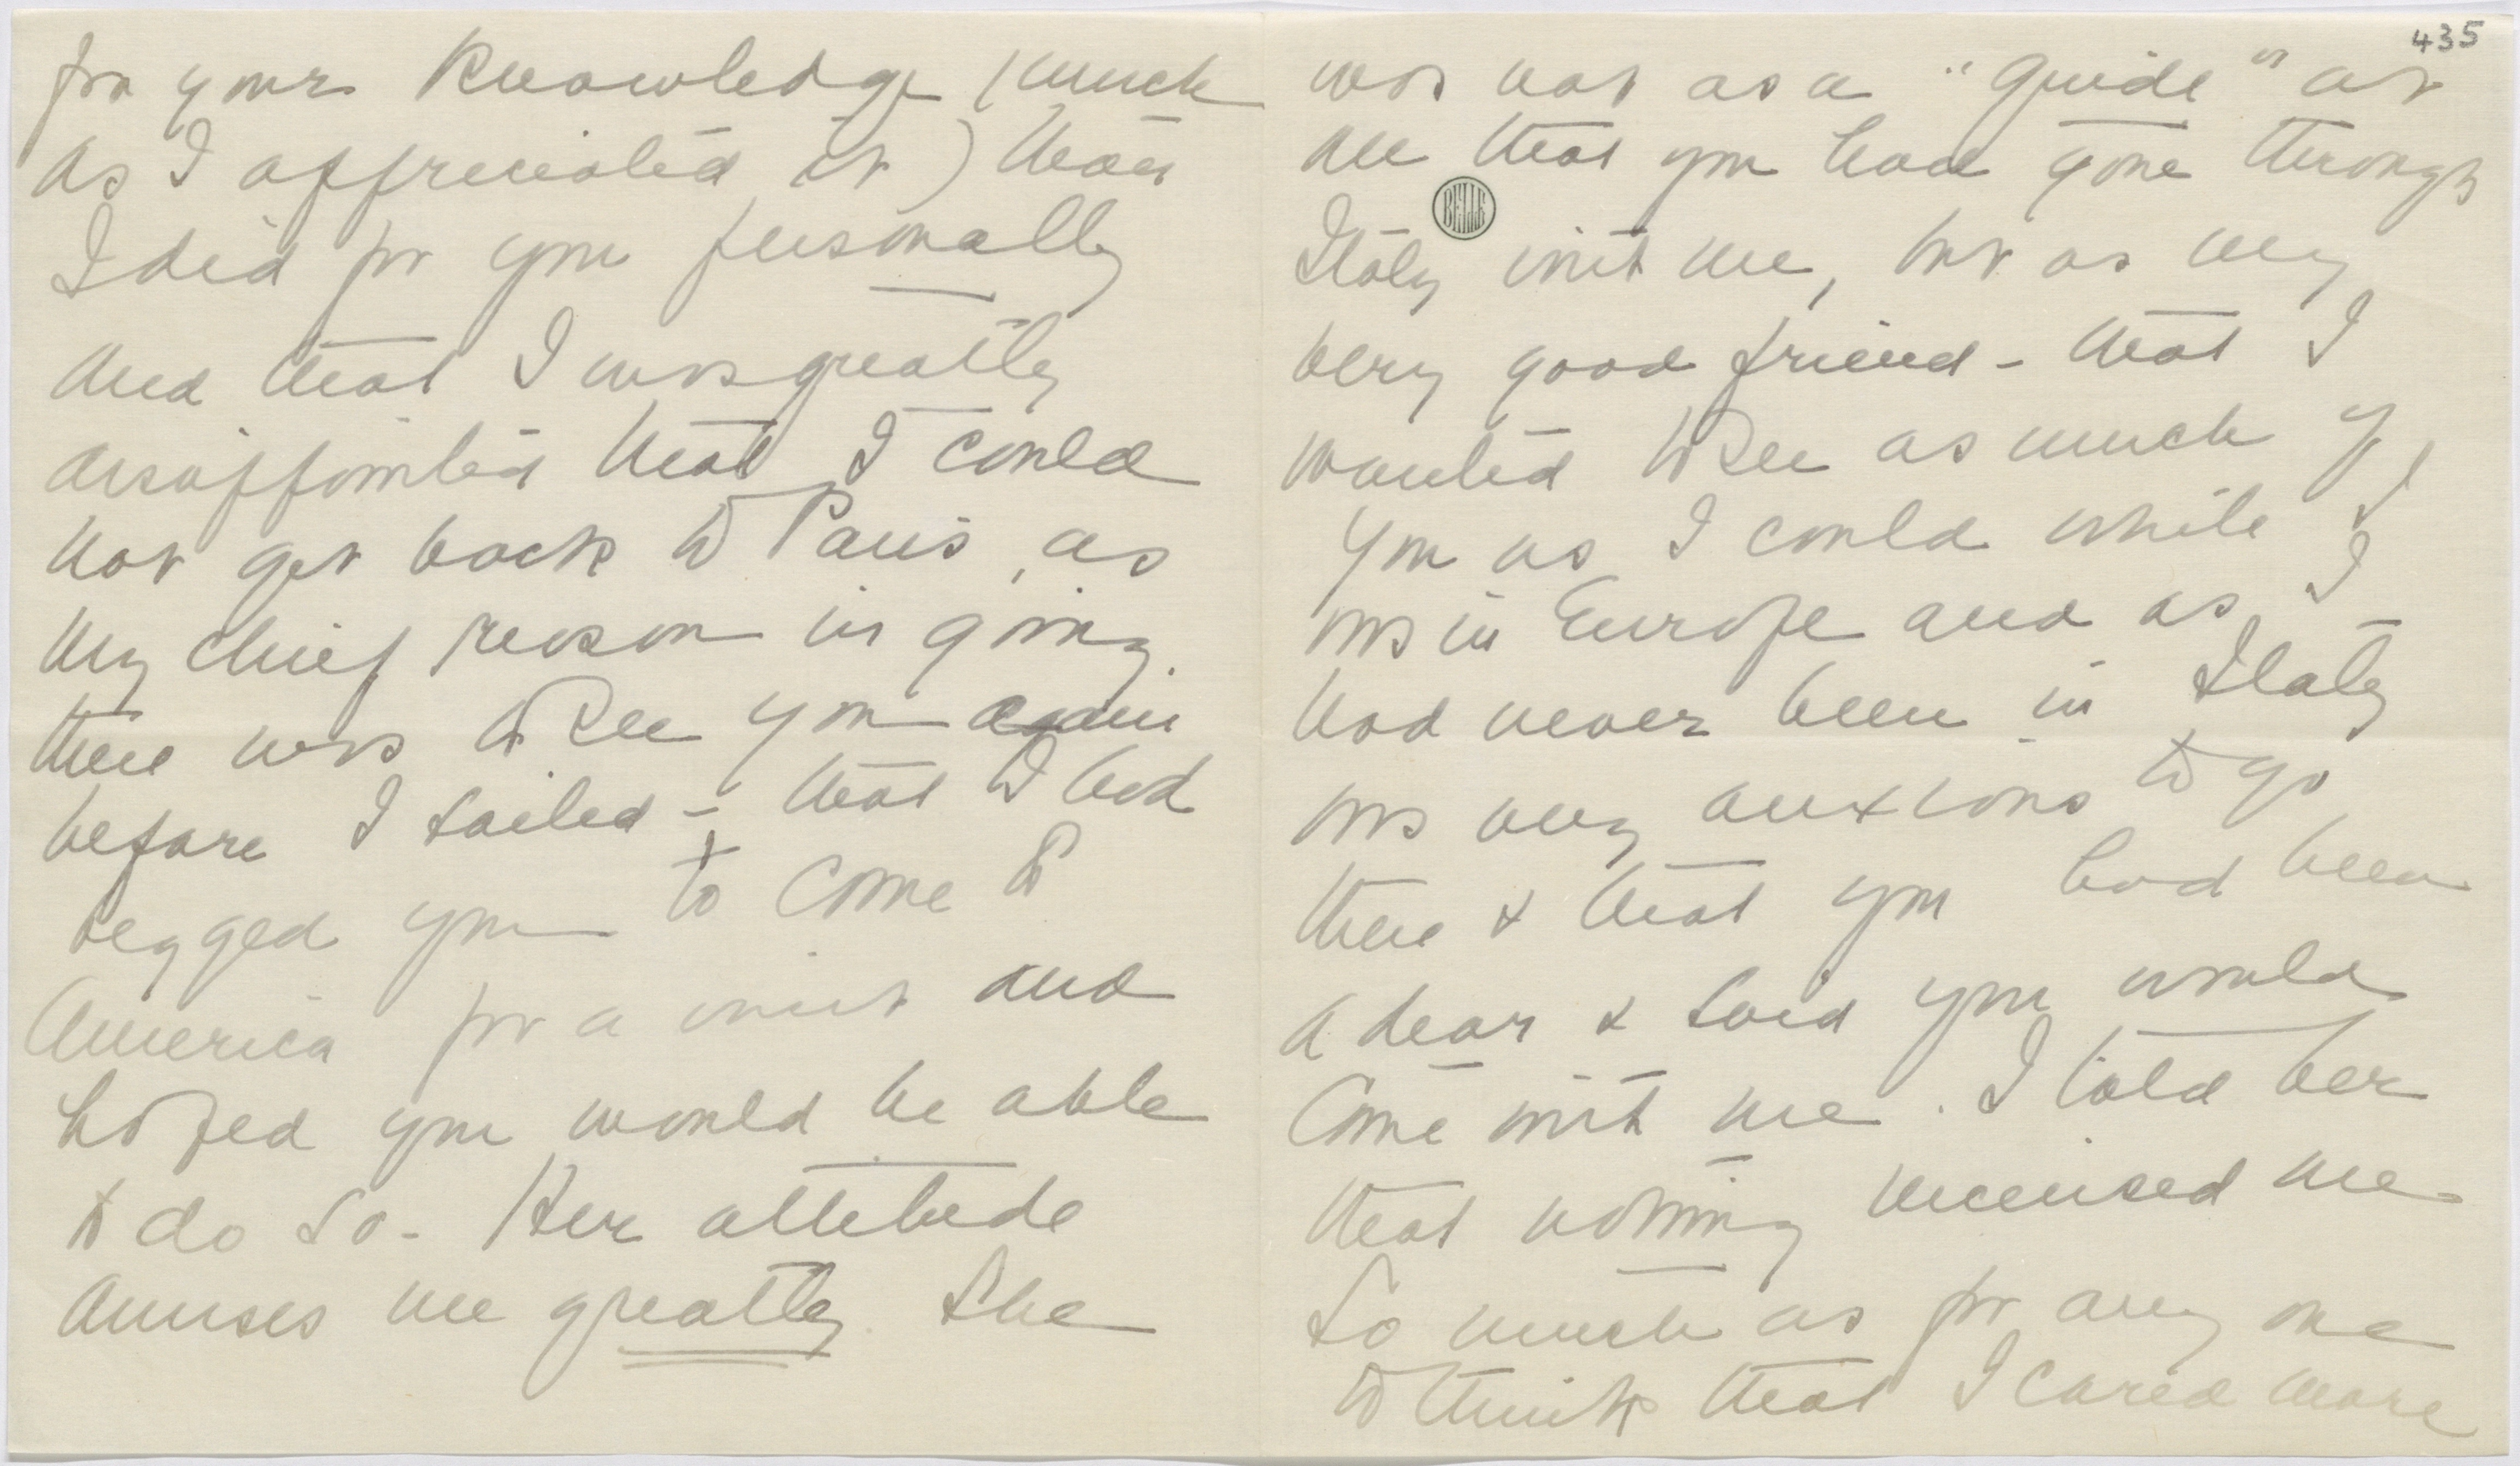was not as a “guide” at all that you had gone through Italy with me, but as my very good friend – that I wanted to see as much of you as I could while I was in Europe and as I had never been in
Italy was very anxious to go there & that you had been a dear & said you would come with me. I told her that nothing incensed me so much as for any one to think that I cared more
for your knowledge (much as I appreciated it) than I did for you personally and that I was greatly disappointed that I could not get back to Paris, as my chief reason in going there was to see you again before I sailed – that I had begged you to come to America for a nuit and hoped you would be able to do so – Her attitude amuses me [double underlined: greatly]. She